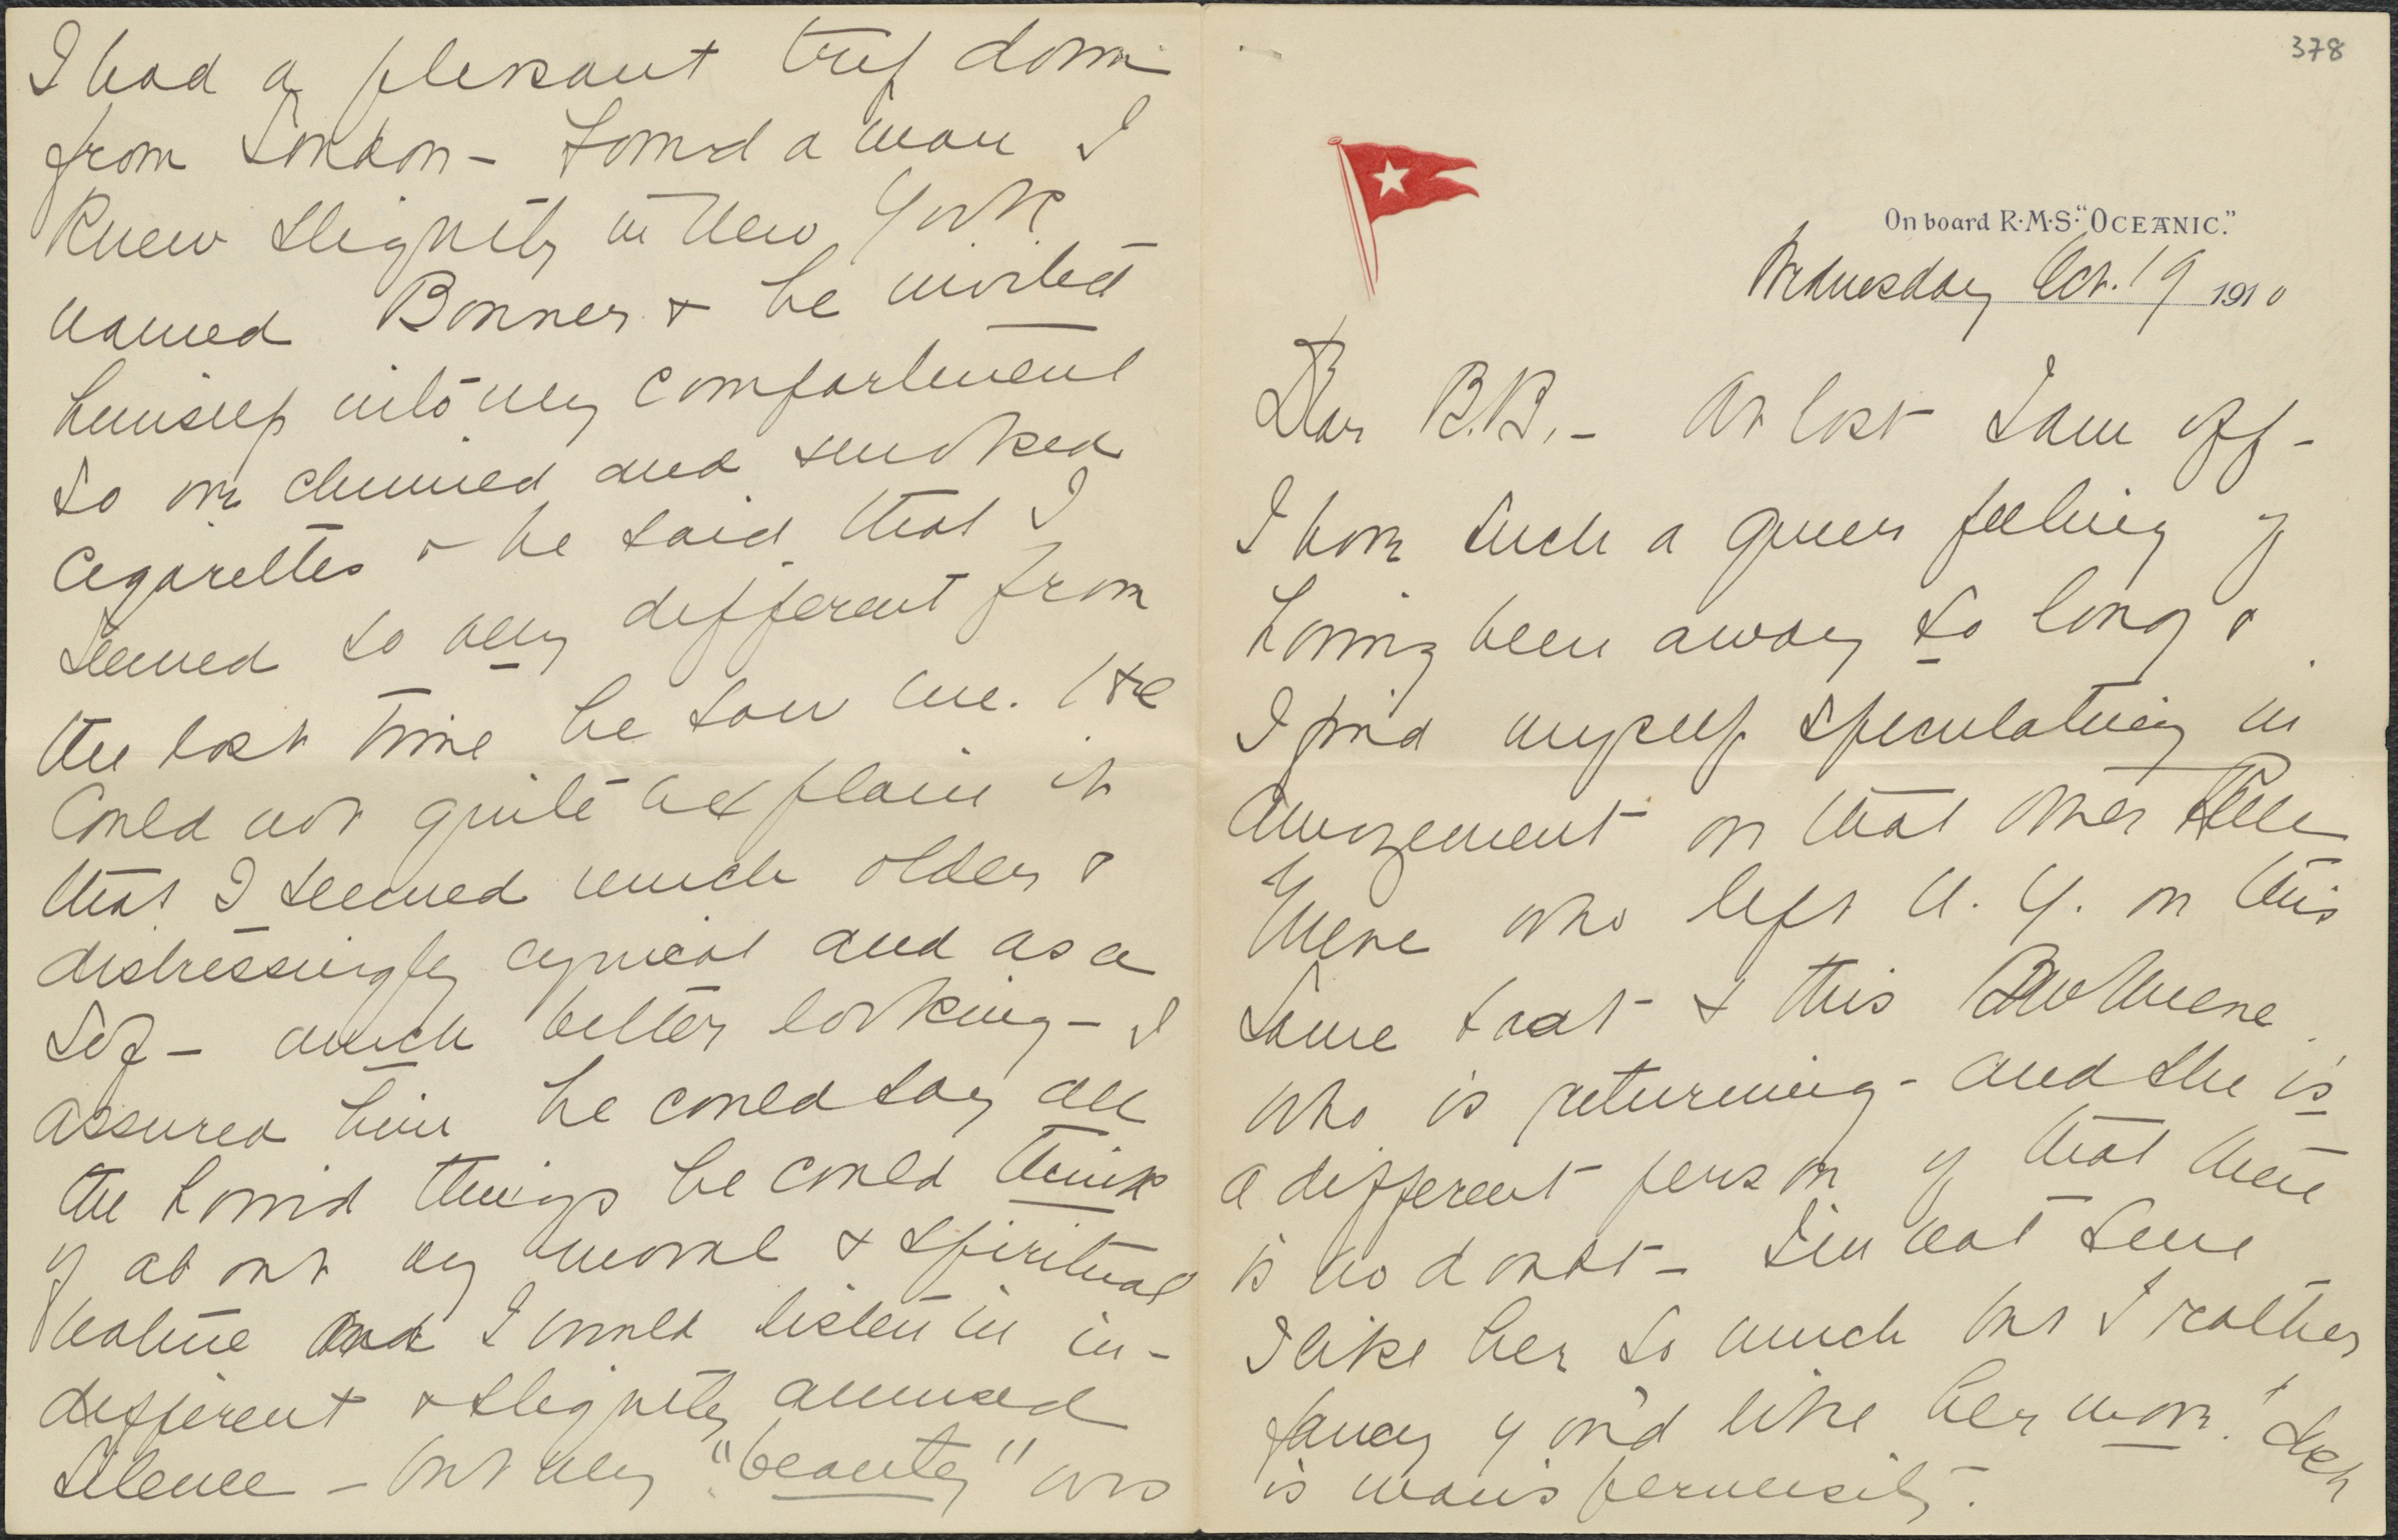Wednesday Oct. 19 [printed text: 191]0
Dear B.B. – At last I am off – I have such a queer feeling of having been away so long & I find myself speculating in amazement on that other Belle Greene who left N.Y. on this same boat & this Belle Greene who is returning – and she is a different person of that there is no doubt – I’m not sure I like her so much but I rather fancy you’d like her more. Such is man’s perversity.
I had a pleasant trip down from London – Found a man I knew slightly in New York named Bonner & he invited himself into my compartment so we chinned and smoked cigarettes & he said that I seemed so very different from the last time he saw me. He could not quite explain it that I seemed much older & distressingly cynical and as a sop – much better looking – I assured him he could say all the horrid things he could think of about my moral and spiritual nature and I would listen in indifferent & slightly amused silence – but my “beauty” was